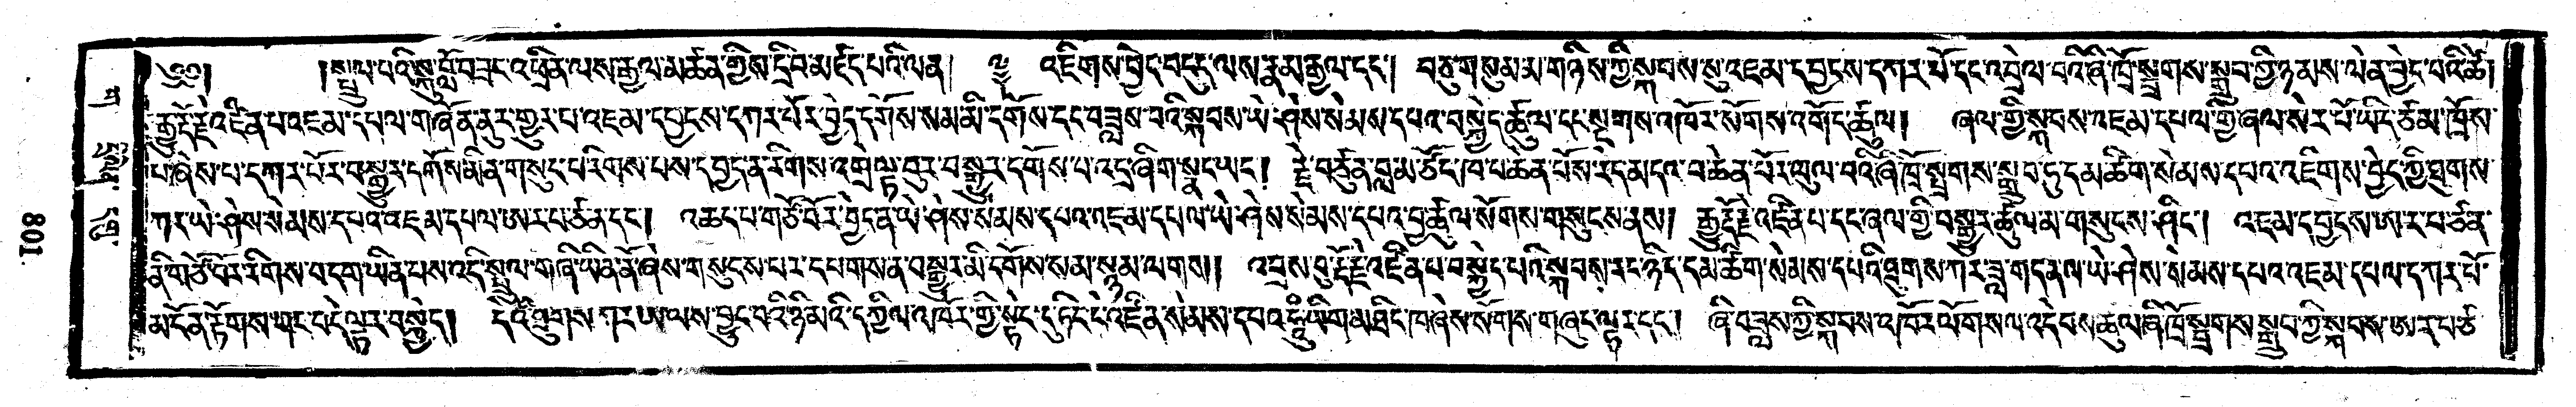༄༅། །སྤྲུལ་པའི་སྐུ་བློ་བཟང་འཕྲིན་ལས་རྒྱལ་མཚན་གྱིས་དྲི་བ་མཛད་པའི་ལན། ༈ འཇིགས་བྱེད་བདུད་ལས་རྣམ་རྒྱལ་དང་། བཅུ་གསུམ་མ་གཉིས་ཀྱི་སྐབས་སུ་འཇམ་དབྱངས་དཀར་པོ་དང་འབྲེལ་བའི་ཞི་ཁྲོ་སྦྲགས་སྒྲུབ་ཀྱི་ཉམས་ལེན་བྱེད་པའི་ཚེ།
རྒྱུ་རྡོ་རྗེ་འཛིན་པ་འཇམ་དཔལ་གཞོན་ནུར་གྱུར་པ་འཇམ་དབྱངས་དཀར་པོར་བྱེད་དགོས་སམ་མི་དགོས་དང་བཟླས་བའི་སྐབས་ཡེ་ཤེས་སེམས་དཔའ་བསྐྱེད་ཚུལ་དང་སྔགས་འཁོར་སོགས་འགོད་ཚུལ། ཞལ་གྱི་སྐབས་འཇམ་དཔལ་གྱི་ཞལ་སེར་པོ་ཡིད་ཙམ་ཁྲོས་
པ་ཞེས་པ་དཀར་པོར་བསྒྱུར་དགོས་མིན་གསུང་བ་རིགས་པས་དཔྱད་ན་རིགས་འགྲེ་ལྟ་བུར་བསྒྱུར་དགོས་པ་འདྲ་ཞིག་སྣང་ཡང་། རྗེ་བཙུན་བླ་མ་ཙོང་ཁ་པ་ཆེན་པོས་རེད་མདའ་བ་ཆེན་པོར་ཡུལ་བའི་ཞི་ཁྲོ་སྤྲགས་སྒྲུབ་ཏུ་དམ་ཚིག་སེམས་དཔའ་འཇིགས་བྱེད་ཀྱི་ཐུགས་
ཀར་ཡེ་ཤེས་སེམས་དཔའ་འཇམ་དཔལ་ཨ་ར་པ་ཙ་ན་དང་། འཆད་པ་གཙོ་བོར་བྱེད་ན་ཡེ་ཤེས་སེམས་དཔའ་འཇམ་དཔལ་ཡེ་ཤེས་སེམས་དཔའ་བྱ་ཚུལ་སོགས་གསུངས་ནས། རྒྱུ་རྡོ་རྗེ་འཛིན་པ་དང་ཞལ་གྱི་བསྒྱུར་ཚུལ་མ་གསུངས་ཤིང་། འཇམ་དབྱངས་ཨ་ར་པ་ཙན་
ནི་གཙོ་བོར་རིགས་བདག་ཡིན་པས་འདི་སྤྲུལ་གཞི་ཡིན་ནོ་ཞེས་གསུངས་པར་དཔགས་ན་བསྒྱུར་མི་དགོས་སམ་སྙམ་ལགས། འབྲས་བུ་རྡོ་རྗེ་འཛིན་པ་བསྐྱེད་པའི་སྐབས་རང་ཉིད་དམ་ཚིག་སེམས་དཔའི་ཐུགས་ཀར་ཟླ་གདན་ལ་ཡེ་ཤེས་སེམས་དཔའ་འཇམ་དཔལ་དཀར་པོ་
མངོན་རྟོགས་གང་བདེ་ལྟར་བསྐྱེད། དེའི་ཐུགས་ཀར་ཨ་ལས་བྱུང་བའི་ཉི་མའི་དཀྱིལ་འཁོར་གྱི་སྟེང་དུ་ཏིང་ངེ་འཛིན་སེམས་དཔའ་ཧཱུཾ་ཡིག་མཐིང་ཁ་ཞེས་སོགས་གཞུང་ལྟར་དང་། ཞི་བཟླས་ཀྱི་སྐབས་འཁོར་ལོགས་ལ་འདེབས་ཚུལ་ཞི་ཁྲོ་སྦྲགས་སྒྲུབ་ཀྱི་སྐབས་ཨ་ར་པ་ཙ་